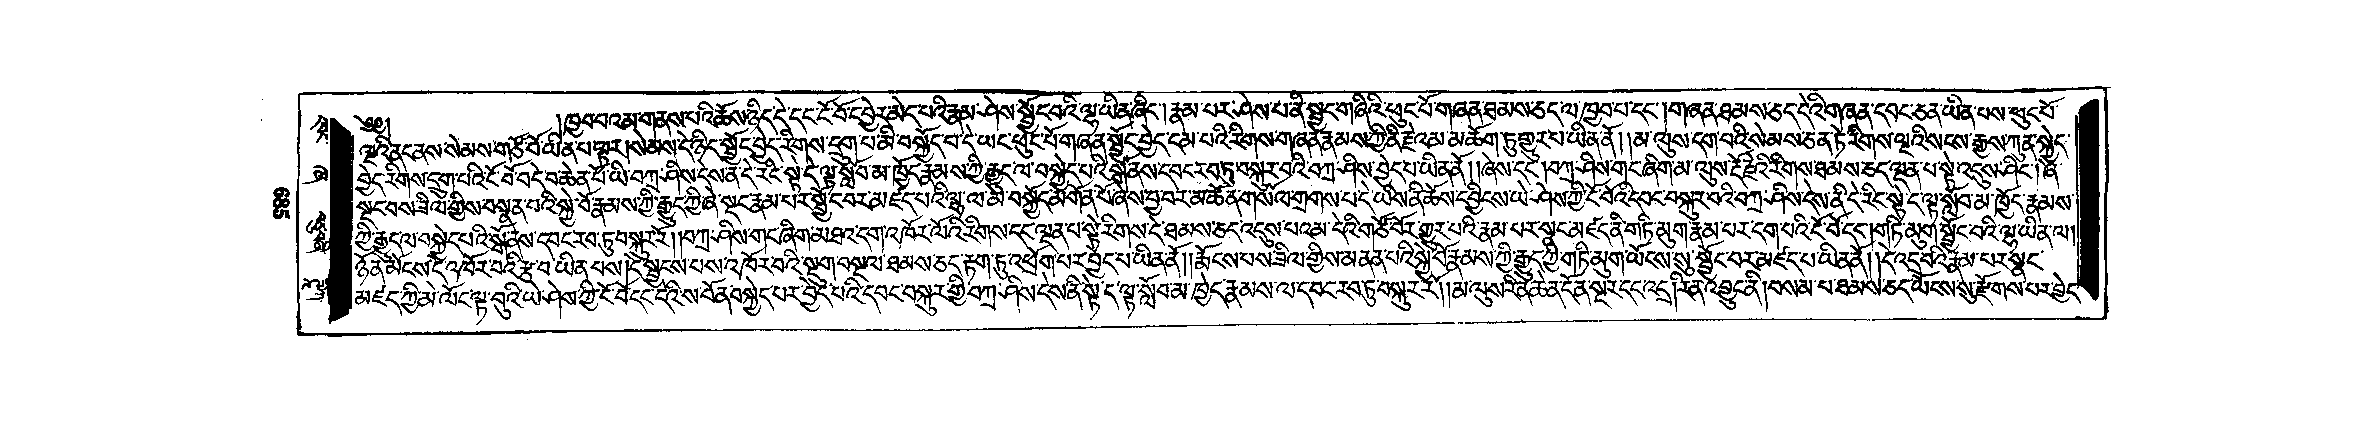༄༅། །ཁྱབ་བའམ་གནས་པའི་ཆོས་ཉིད་དེ་དང་ངོ་བོ་དབྱེར་མེད་པའི་རྣམ་ཤེས་སྦྱོང་བའི་ལྷ་ཡིན་ཞིང་། རྣམ་པར་ཤེས་པ་ནི་སྦྱང་གཞིའི་ཕུང་པོ་གཞན་ཐམས་ཅད་ལ་ཁྱབ་པ་དང་། གཞན་ཐམས་ཅད་དེའི་གཞན་དབང་ཅན་ཡིན་པས་ཕུང་པོ་
ལྔའི་ནང་ནས་སེམས་གཙོ་བོ་ཡིན་པ་ལྟར། སེམས་དེ་ཉིད་སྦྱོང་བྱེད་རིགས་དྲུག་པ་མི་བསྐྱོད་པ་དེ་ཡང་ཕུང་པོ་གཞན་སྦྱོང་བྱེད་དམ་པའི་རིགས་གཞན་རྣམས་ཀྱི་ནི་རྗེའམ་མཆོག་ཏུ་གྱུར་པ་ཡིན་ནོ། །མ་ལུས་དག་པའི་སེམས་ཅན་ཏེ་རིགས་ལྔའི་སངས་རྒྱས་ཀུན་སྐྱེད་
བྱེད་རིགས་དྲུག་པའི་ངོ་བོ་བདེ་བ་ཆེན་པོ་ཡི་བཀྲ་ཤིས་དེས་ན་དེ་རིང་སྟེ་དེ་ལྟ་སློབ་མ་ཁྱོད་རྣམས་ཀྱི་རྒྱུད་ལ་བསྐྱེད་པའི་སྒོ་ནས་དབང་རབ་ཏུ་བསྐུར་བའི་བཀྲ་ཤིས་བྱེད་པ་ཡིན་ནོ། །ཞེས་དང་། བཀྲ་ཤིས་གང་ཞིག་མ་ལུས་རྡོ་རྗེའི་རིགས་ཐམས་ཅད་ལྡན་པ་སྟེ་འདུས་ཤིང་། ཞེ་
སྡང་བས་ཟིལ་གྱིས་བསྣན་པའི་སྐྱེ་བོ་རྣམས་ཀྱི་རྒྱུད་ཀྱི་ཞེ་སྡང་རྣམ་པར་སྦྱོང་བར་མཛད་པའི་ལྷ་ལ་མ་བསྐྱོད་མགོན་པོ་ཞེས་བྱ་བར་མཚོན་གསོལ་གྲགས་པ་དེ་ཡིས་ནི་ཆོས་དབྱིངས་ཡེ་ཤེས་ཀྱི་ངོ་བོའི་དབང་བསྐུར་བའི་བཀྲ་ཤིས་དེས་ནི་དེ་རིང་སྟེ་ད་ལྟ་སློབ་མ་ཁྱོད་རྣམས་
ཀྱི་རྒྱུད་ལ་བསྐྱེད་པའི་སྒོ་ནས་དབང་རབ་ཏུ་བསྐུར་རོ། །བཀྲ་ཤིས་གང་ཞིག་མཐའ་དག་འཁོར་ལོའི་རིགས་དང་ལྡན་པ་སྟེ་རིགས་དེ་ཐམས་ཅད་འདུས་པའམ་དེའི་གཙོ་བོར་གྱུར་པའི་རྣམ་པར་སྣང་མཛད་ནི་གཏི་མུག་རྣམ་པར་དག་པའི་ངོ་བོ་དང་། གཏི་མུག་སྦྱོང་བའི་ལྷ་ཡིན་ལ།
ཉོན་མོངས་དེ་འཁོར་བའི་རྩ་བ་ཡིན་པས། དེ་སྦྱངས་པས་འཁོར་བའི་སྡུག་བསྔལ་ཐམས་ཅད་རྟག་ཏུ་འཕྲོག་པར་བྱེད་པ་ཡིན་ནོ། །རྨོངས་པས་ཟིལ་གྱིས་མནན་པའི་སྐྱེ་བོ་རྣམས་ཀྱི་རྒྱུད་ཀྱི་གཏི་མུག་ཡོངས་སུ་སྦྱོང་བར་མཛད་པ་ཡིན་ནོ། །དེ་འདྲ་བའི་རྣམ་པར་སྣང་
མཛད་ཀྱི་མེ་ལོང་ལྟ་བུའི་ཡེ་ཤེས་ཀྱི་ངོ་བོ་དང་དེའི་ས་བོན་བསྐྱེད་པར་བྱེད་པའི་དབང་བསྐུར་གྱི་བཀྲ་ཤིས་དེས་ནི་སྟེད་ལྟ་སློབ་མ་ཁྱེད་རྣམས་ལ་དབང་རབ་ཏུ་བསྐུར་རོ། །མ་ལུས་རིན་ཆེན་དོན་སྔར་དང་འདྲ། རིན་འབྱུང་ནི། བསམ་པ་ཐམས་ཅད་ཡོངས་སུ་རྫོགས་པར་བྱེད་